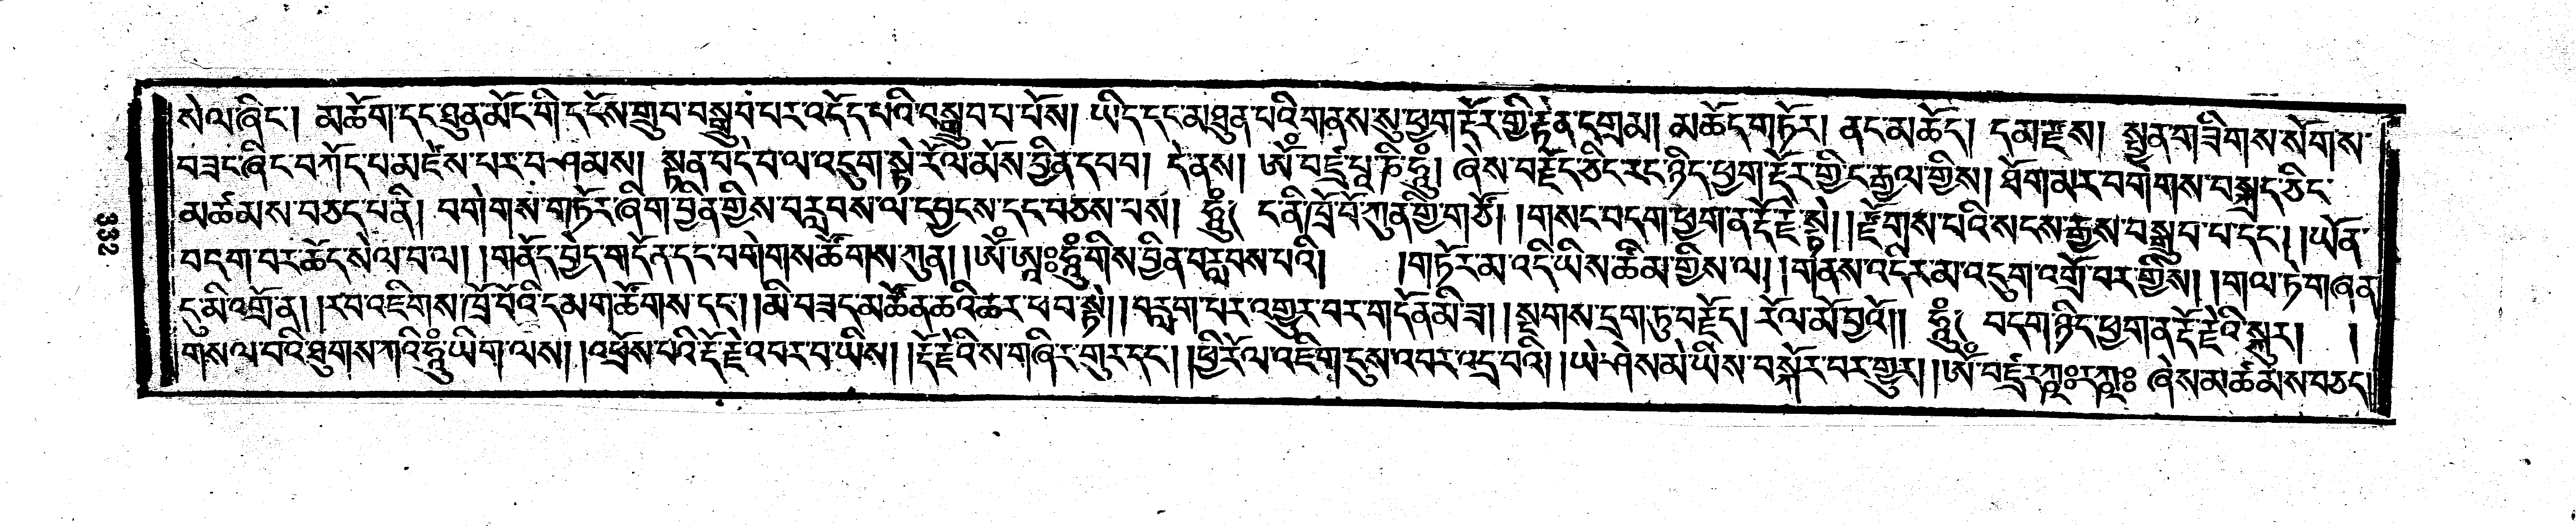སེལ་ཞིང་། མཆོག་དང་ཐུན་མོང་གི་དངོས་གྲུབ་བསྒྲུབ་པར་འདོད་པའི་བསྒྲུབ་པ་པོས། ཡིད་དང་མཐུན་པའི་གནས་སུ་ཕྱག་རྡོར་གྱི་རྟེན་དགྲམ། མཆོད་གཏོར། ནང་མཆོད། དམ་རྫས། སྤྱན་གཟིགས་སོགས་
བཟང་ཞིང་བཀོད་པ་མཛེས་པར་བཤམས། སྟན་བདེ་བ་ལ་འདུག་སྟེ་རོལ་མོས་བྱིན་དབབ། དེ་ནས། ཨོཾ་བཛྲ་པཱ་ཎི་ཧཱུཾ། ཞེས་བརྗོད་ཅིང་རང་ཉིད་ཕྱག་རྡོར་གྱི་ང་རྒྱལ་གྱིས། ཐོག་མར་བགེགས་བསྐྲད་ཅིང་
མཚམས་བཅད་པ་ནི། བགེགས་གཏོར་ཞིག་བྱིན་གྱིས་བརླབས་ལ་དབྱངས་དང་བཅས་པས། ཧཱུཾ། ང་ནི་ཁྲོ་བོ་ཀུན་གྱི་གཙོ། །གསང་བདག་ཕྱག་ན་རྡོ་རྗེ་སྟེ། །རྫོགས་པའི་སངས་རྒྱས་བསྒྲུབ་པ་དང་། །ཡོན་
བདག་བར་ཆོད་སེལ་བ་ལ། །གནོད་བྱེད་གདོན་དང་བགེགས་ཚོགས་ཀུན། །ཨོཾ་ཨཱཿ ཧཱུཾ་གིས་བྱིན་བརླབས་པའི། །གཏོར་མ་འདི་ཡིས་ཚིམ་གྱིས་ལ། །གནས་འདིར་མ་འདུག་འགྲོ་བར་གྱིས། །གལ་ཏེ་གཞན་
དུ་མི་འགྲོ་ན། །རབ་འཇིགས་ཁྲོ་བའི་དམག་ཚོགས་དང་། །མི་བཟད་མཚོན་ཆའི་ཆར་ཕབ་སྟེ། །བརླག་པར་འགྱུར་བར་གདོན་མི་ཟ། །སྔགས་དྲག་ཏུ་བརྗོད། རོལ་མོ་བྱའོ།། ཧཱུཾ། བདག་ཉིད་ཕྱག་ན་རྡོ་རྗེའི་སྐུར། །
གསལ་བའི་ཐུགས་ཀའི་ཧཱུཾ་ཡིག་ལས། །འཕྲོས་པའི་རྡོ་རྗེ་འབར་བ་ཡིས། །རྡོ་རྗེའི་ས་གཞི་ར་གུར་དང་། །ཕྱི་རོལ་འཇིག་དུས་འབར་འདྲ་བའི། །ཡེ་ཤེས་མེ་ཡིས་བསྐོར་བར་གྱུར། །ཨོཾ་བཛྲ་རཀྵཿ རཀྵཿ ཞེས་མཚམས་བཅད།